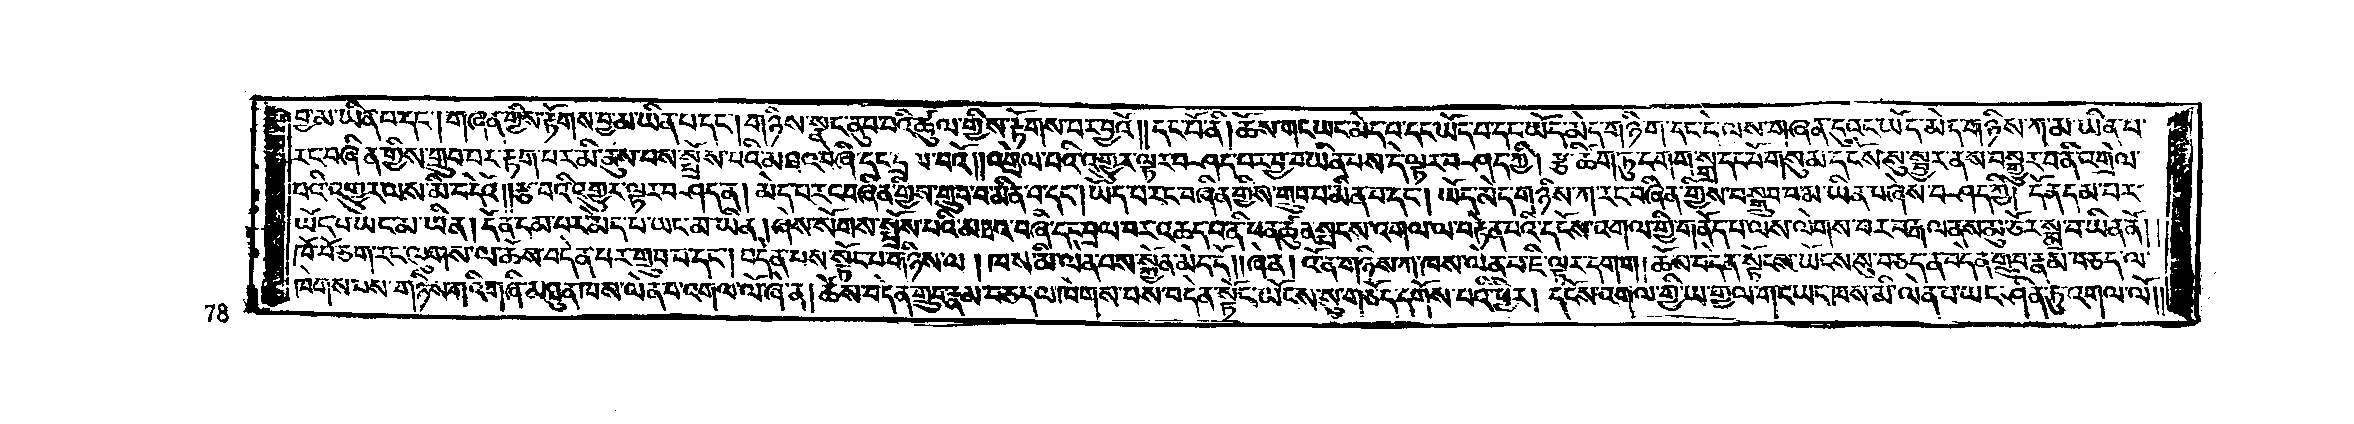བྱ་མ་ཡིན་པ་དང་། གཞན་གྱིས་རྟོགས་བྱ་མ་ཡིན་པ་དང་། གཉིས་སྣང་ནུབ་པའི་ཚུལ་གྱིས་རྟོགས་པར་བྱའོ། །དང་པོ་ནི། ཆོས་གང་ཡང་མེད་པ་དང་ཡོད་པ་དང་ཡོད་མེད་གཉི་ག་དང་དེ་ལས་གཞན་དུའང་ཡོད་མེད་གཉིས་ཀ་མ་ཡིན་པ་
རང་བཞིན་གྱིས་གྲུབ་པར་རྟག་པར་མི་ནུས་པས་སྤྲོས་པའི་མཐའ་བཞི་དང་བྲལ་བའོ། །འགྲེལ་པའི་འགྱུར་ལྟར་བཤད་པར་བྱ་བ་ཡིན་པས་དེ་ལྟར་བཤད་ཀྱི། རྩ་ཚིག་ཏུ་དགག་སྒྲ་དང་པོ་གསུམ་དངོས་སུ་སྦྱར་ནས་བསྒྱུར་བ་ནི་འགྲེལ་
བའི་འགྱུར་ལས་མི་བདེའོ། །རྩ་བའི་འགྱུར་ལྟར་བཤད་ན། མེད་པ་རང་བཞིན་གྱིས་གྲུབ་པ་མིན་པ་དང་། ཡོད་པ་རང་བཞིན་གྱིས་གྲུབ་པ་མིན་པ་དང་། ཡོད་མེད་གཉིས་ཀ་རང་བཞིན་གྱིས་བསྒྲུབ་པ་མ་ཡིན་པ་ཞེས་བཤད་ཀྱི། དོན་དམ་པར་
ཡོད་པ་ཡང་མ་ཡིན། དོན་དམ་པར་མེད་པ་ཡང་མ་ཡིན། ཞེས་སོགས་སྤྲོས་པའི་མཐའ་བཞི་དང་བྲལ་བར་འཆད་པ་ནི་ཕན་ཚུན་སྤངས་འགལ་ལ་བརྟེན་པའི་དངོས་འགལ་གྱི་གནོད་པ་ལས་ལེགས་པར་བརྒལ་ནས་མུ་ཅོར་སྨྲ་བ་ཡིན་ནོ། །
ཁོ་བོ་ཅག་རང་ལུགས་ལ་ཆོས་བདེན་པར་གྲུབ་པ་དང་། བདེན་པས་སྟོང་པ་གཉིས་ལ། ཁས་མི་ལེན་པས་སྐྱོན་མེད་དོ། །ཞེ་ན། འོ་ན་གཉིས་ཀ་ཁས་ལེན་པ་ཇི་ལྟར་དགག །ཆོས་བདེན་སྟོངས་ཡོངས་སུ་བཅད་ན་བདེན་གྲུབ་རྣམ་བཅད་ལ་
ཁེགས་པས་གཉིས་ཀའི་གཞི་མཐུན་ཁས་ལེན་པ་འགལ་ལོ་ཞེ་ན། ཆོས་བདེན་གྲུབ་རྣམ་བཅད་ལ་ཁེགས་པས་བདེན་སྟོང་ཡོངས་སུ་གཅོད་དགོས་པའི་ཕྱིར། དངོས་འགལ་གྱི་ཡ་གྱལ་གང་ཡང་ཁས་མི་ལེན་པ་ཡང་ཤིན་ཏུ་འགལ་ལོ། །